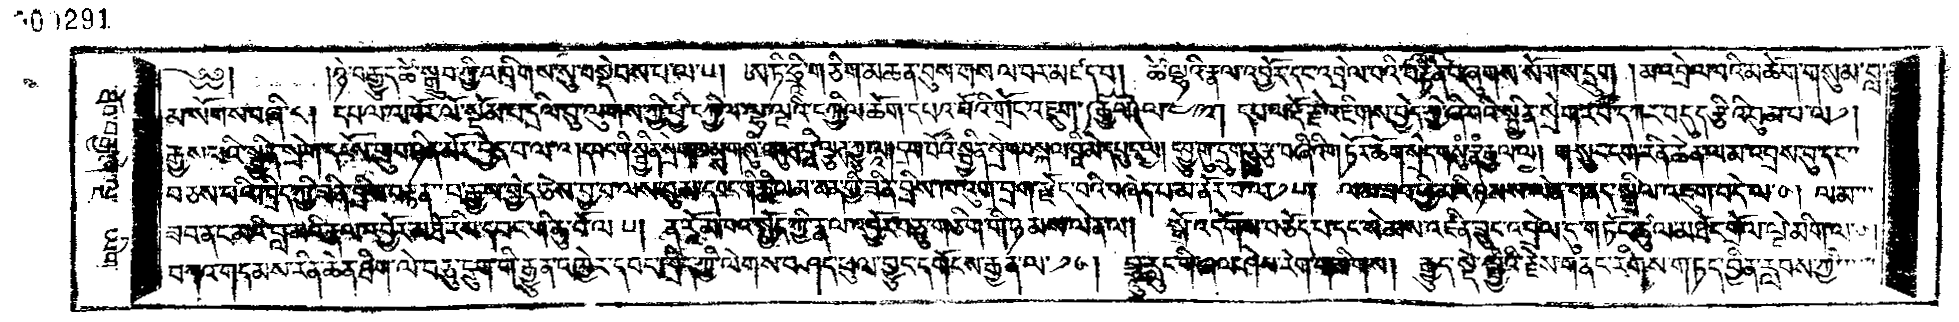༄༅། །ཉེ་བརྒྱུད་ཚེ་སྒྲུབ་ཀྱི་འཁྲིགས་སུ་བསྡེབས་པ་ལ ༥། ཨ་ཏི་ཧྲཱི་གཅིག་མཆན་བུས་གསལ་བར་མཛད་པ། ཚེ་ལྷའི་རྣལ་འབྱོར་དང་འབྲེལ་བའི ༼བརྟན༽ བཞུགས་སོགས་དྲུག །མ་འབྲེལ་བའི་མཆོག་གསུམ་བླ་
མ་སོགས་བཞི ༨། དཔལ་འཁོར་ལོ་སྡོམ་པ་དྲིལ་བུ་ལུགས་ཀྱི་ཕྱི་དཀྱིལ་ལྷ་ལྔའི་དཀྱིལ་ཆོག་དཔའ་པོའི་གྲོང་འཇུག ༼རྒྱལ༽ ལ ༤༣། དཔལ་རྡོ་རྗེ་འཇིགས་བྱེད་ཀྱི་ཞི་བའི་སྦྱིན་སྲེག་རབ་དཀར་བདུད་རྩིའི་བུམ་པ་ལ ༡།
རྒྱས་པའི་སྦྱིན་སྲེག་དངོས་གྲུབ་ཉིན་མོར་བྱེད་པ་ལ་༢། དབང་གི་སྦྱིན་སྲེག་ཁམས་གསུཾ་འགུཊ་པཱི་ལྕཊ་ཀྱུ་ལྕཊ། དྲག་པོའི་སྦྱིན་སྲེག་བསྐལ་པཱི་མེ་དཔུང་ལ། དབྱུ་གུ་དྲུག་ཅུ་རྩ་བཞིའི་གཏོར་ཆོག་སྲིད་གསུཾ་རྣཾ་རྒྱལ་ལ ༤།  གསུང་ངག་རིན་ཆེན་ལམ་འབྲས་བུ་དང་
བཅས་པའི་ཁྲིད་ཀྱི་ཟིན་བྲིས་བརྟན་པ་རྒྱས་བྱེད་ཅེས་བྱ་བ་ལས་བུམ་དབང་གི་རྨི་ལམ་མན་གྱི་ཟིན་བྲིས་ཁ་འུག་བྲག་རྫོད་བའི་བཞེད་པ་མ་ནོར་བ་ལ ༡༥། ལམ་ཟབ་ཕྱི་མའི་ཉམས་ལེན་གནད་སྒྲིལ་འཇུག་བདེ་ལ ༦། ལམ་
ཟབ་ནང་མའི་བླ་མའི་རྣལ་འབྱོར་མཐོ་རིས་དབང་གི་ཆུ་བོ་ལ ༥། ན་རO་མཁའ་སྤྱོད་ཀྱི་རྣལ་འབྱོར་བཅུ་གཅིག་གི་ཉམས་ལེན་ལ། སྒྲོ་འདོགས་བཅོད་པ་དང་སེམས་འཛིན་ཟུང་འབྲེལ་དུ་གཏོང་ཚུལ་མཐོང་གྲོལ་ལྡེ་མིག་ལ ༦།
བཀའ་གདམས་རིན་ཆེན་ཐིག་ལེ་བཅུ་དྲུག་གི་རྒྱུན་འཁྱེར་དབང་ཁྲིད་ཀྱི་ལེགས་བཤད་ཕུལ་བྱུང་དགོངས་རྒྱན་ལ ༡༦། བྷཱུ་རླུང་གི་ཞལ་ཤེས་རེག་གཟིགས། རྒྱུད་སྡེ་སྤྱིའི་རྗེས་གནང་རིགས་གཏད་བྱིན་རླབས་ཀྱི་